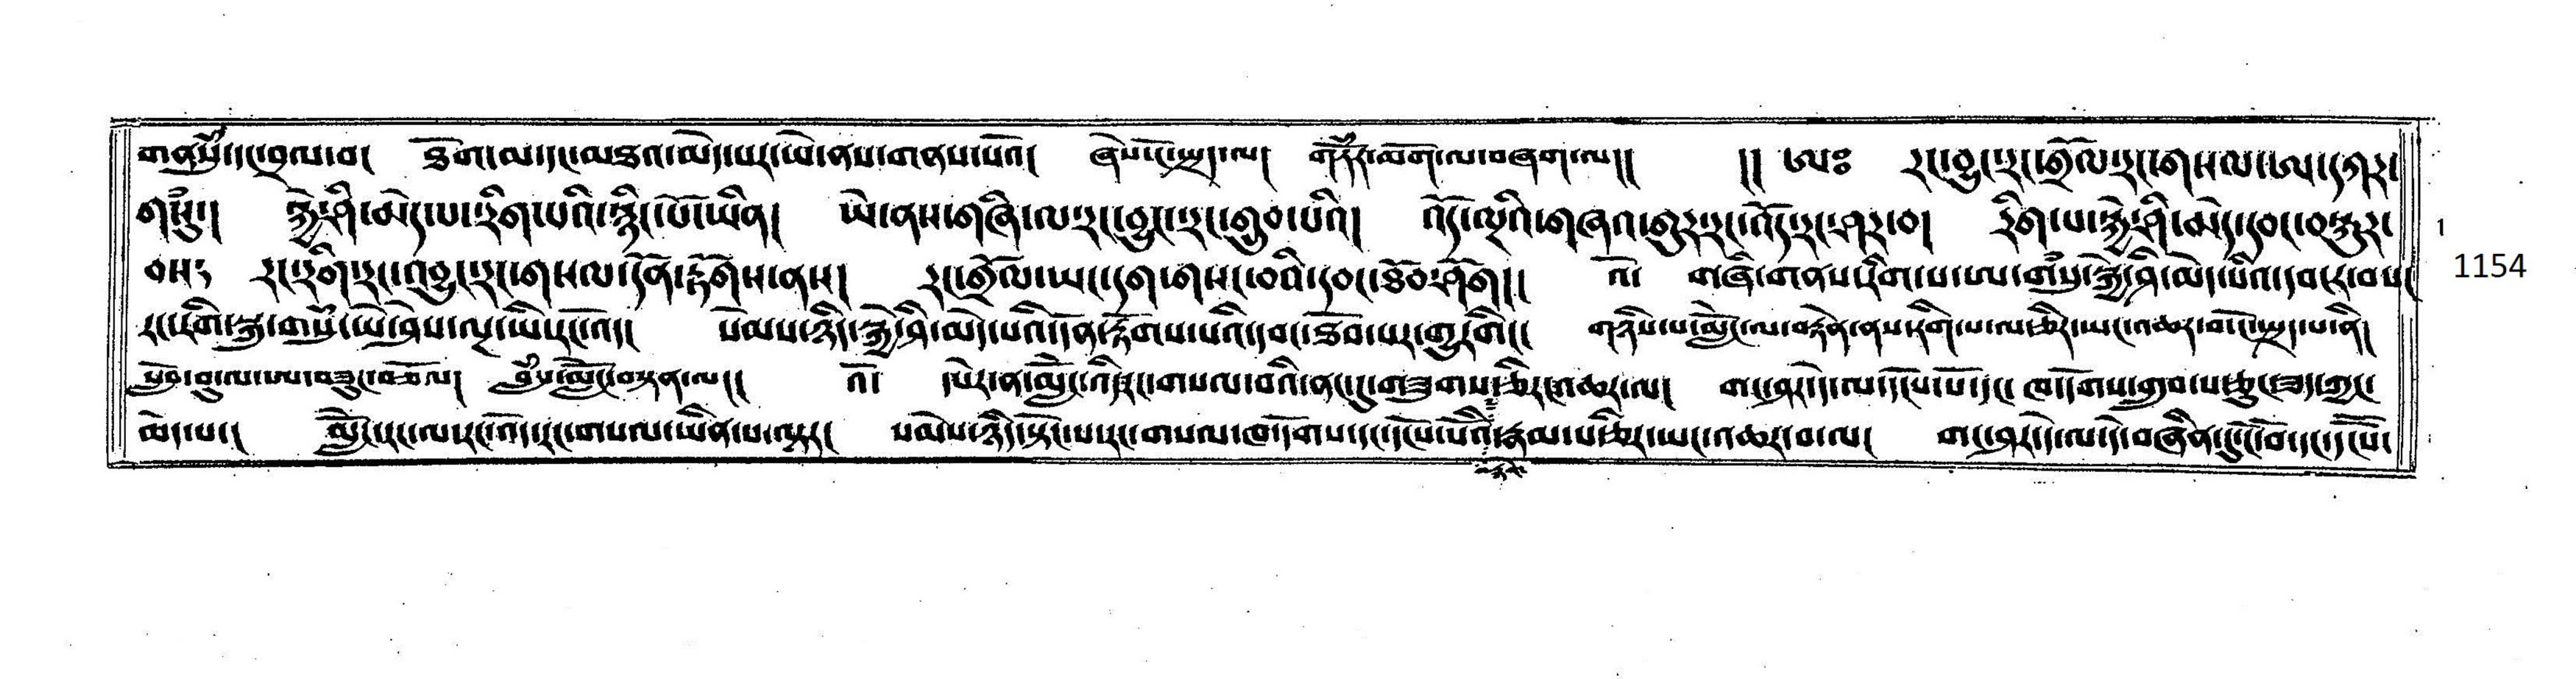གསུམ་དང་བྲལ་བ། ཐོག་མ་དང་མཐའ་མེད་པར་ཡེ་ནས་གནས་པའོ། ཞེས་ངོ་སྤྲད་ལ། གཏོར་མ་མགོ་ལ་བཞག་ལ།། །།ཨཿ རང་བྱུང་རང་གྲོལ་རང་གསལ་ཨ་དཀར་
གསུམ། སྐྱེ་ཤི་མེད་པ་རིག་པའི་སྙིང་པོ་ཡིན། ཡེ་ནས་གཞི་ལ་རང་བྱུང་རང་གྲུབ་པའི། འོད་ལྔའི་གཞའ་གུར་རང་འོད་རང་ཤར་བ། རིག་པ་སྐྱེ་ཤི་མེད་པའི་དབང་བསྐུར་
བས། རང་རིག་རང་འབྱུང་རང་གསལ་དོན་རྟོགས་ནས། རང་གྲོལ་ཡང་དག་གསང་བའི་དབང་ཐོབ་ཤོག འོ་གཞི་གནས་རིག་པ་ཨ་གསུམ་སྐྱེ་ཤི་མེད་པའི་དབང་བསྐུར་བས། 
རང་རིག་སྐུ་གསུམ་ཡེ་ཤེས་ལྔ་ཡི་རང་འོད། སེམས་ཉིད་སྐྱེ་ཤི་མེད་པའི་དོན་རྟོགས་པའི་དབང་ཐོབ་པར་གྱུར་ཅིག གཉིས་པ་མེ་ལོང་ལ་བརྟེན་ནས་རིག་པ་ལ་ཅིར་ཡང་འཆར་བ་ངོ་སྤྲད་པ་ནི། 
སློབ་བུ་ལ་ཨ་བཟུང་བཅོལ། བླ་མས་མེ་ལོང་བསྟན་ལ།། འོ་དཔེར་ན་མེ་ལོང་འདི་རང་གསལ་བའི་ནང་དུ་གཟུགས་བརྙེན་ཅིར་ཡང་འཆར་ལ། གང་ཤར་དེ་ལ་དངོས་པོ་དང་ཁ་དོག་གྲུབ་པ་ཅུང་ཟད་ཀྱང་
མེད་པ། མེ་ལོང་རང་ལ་རང་འོད་རང་གསལ་ཡིན་པ་ལྟར། སེམས་ཉིད་སྟོང་པ་རང་གསལ་ཁ་དོག་དང་དངོས་པོའི་རྣམ་པ་ཅིར་ཡང་འཆར་བ་ལ། གང་ཤར་དེ་ལ་དེ་བཞིན་དུ་ངོ་བོ་དང་དངོས་པོ་